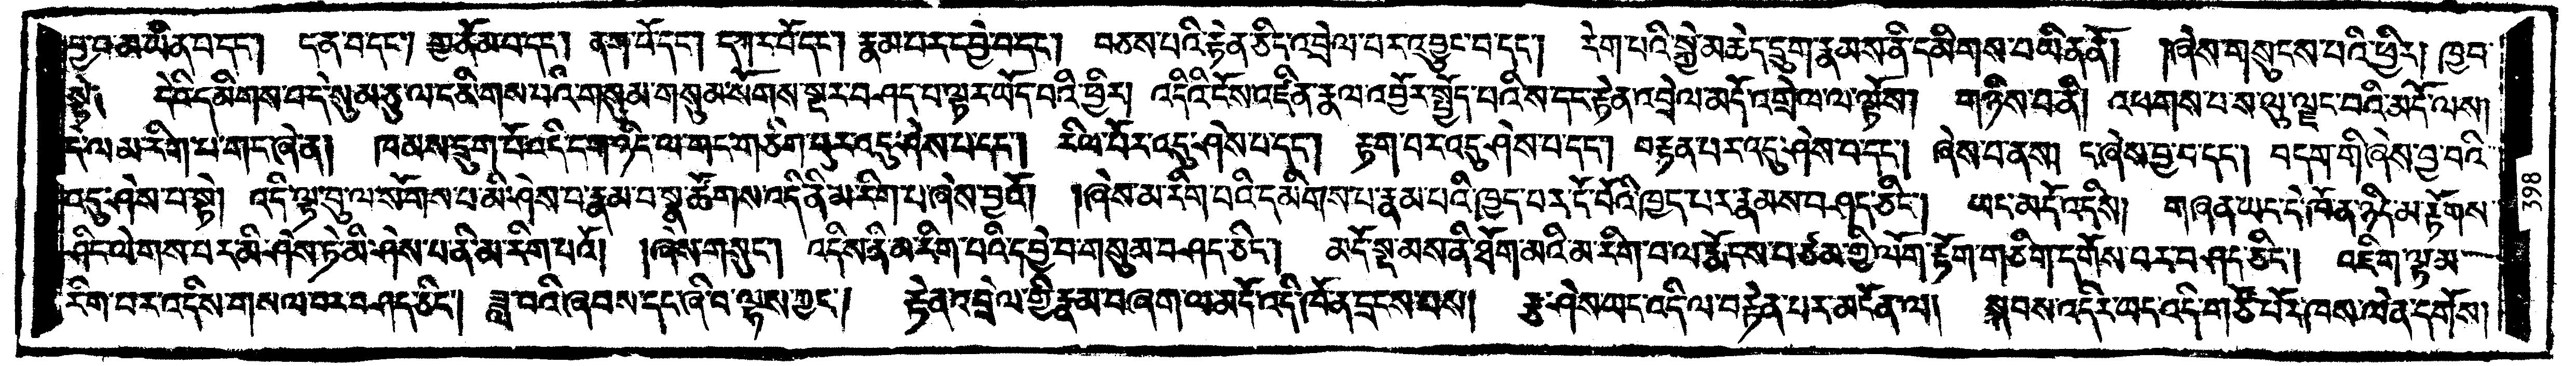བྱ་བ་མ་ཡིན་པ་དང་། ངན་བ་དང་། གྱ་ནོམ་པ་དང་། ནག་པོ་དང་། དཀར་པོ་དང་། རྣམ་པར་དབྱེ་བ་དང་། བཅས་པའི་རྟེན་ཅིང་འབྲེལ་བར་འབྱུང་བ་དང་། རེག་པའི་སྐྱེ་མཆེད་དྲུག་རྣམས་ནི་དམིགས་པ་ཡིན་ནོ། །ཞེས་གསུངས་པའི་ཕྱིར། ཁྱབ་
སྟེ༑ དེའི་དམིགས་པ་དེ་སུམ་ཅུ་ལ་དམིགས་པའི་གསུམ་གསུམ་སོགས་སྔར་བཤད་པ་ལྟར་ཡོད་པའི་ཕྱིར། འདིའི་ངོས་འཛིན་རྣལ་འབྱོར་སྤྱོད་པའི་ས་དང་རྟེན་འབྲེལ་མདོ་འགྲེལ་ལ་ལྟོས། གཉིས་པ་ནི། འཕགས་པས་ལུ་ལྗང་བའི་མདོ་ལས།
དེ་ལམ་རིག་པ་གང་ཞེ་ན། ཁམས་དྲུག་པོ་འདི་དག་ཉིད་ལ་གང་གཅིག་པུར་འདུ་ཤེས་པ་དང་། རིལ་པོར་འདུ་ཤེས་པ་དང་། རྟག་པར་འདུ་ཤེས་པ་དང་། བརྟན་པར་འདུ་ཤེས་པ་དང་། ཞེས་པ་ནས། ང་ཞེས་བྱ་བ་དང་། བདག་གི་ཞེས་བྱ་བའི་
འདུ་ཤེས་པ་སྟེ། འདི་ལྟ་བུ་ལ་སོགས་པ་མི་ཤེས་པ་རྣམ་པ་སྣ་ཚོགས་འདི་ནི་མ་རིག་པ་ཞེས་བྱའོ། །ཞེས་མ་རིག་པའི་དམིགས་པ་རྣམ་པའི་ཁྱད་པར་ངོ་བོའི་ཁྱད་པར་རྣམས་བཤད་ཅིང་། ཡང་མདོ་འདིས། གཞན་ཡང་དེ་ཁོ་ན་ཉིད་མ་རྟོགས་
ཤིང་ལེགས་པར་མི་ཤེས་ཏེ་མི་ཤེས་པ་ནི་མ་རིག་པའོ། །ཞེས་གསུང་། འདིས་ནི་མ་རིག་པའི་དབྱེ་བ་གསུམ་བཤད་ཅིང་། མདོ་སྔ་མས་ནི་ཐོག་མའི་མ་རིག་པ་ལ་རྨོངས་པ་ཙམ་གྱི་ལོག་རྟོག་གཅིག་དགོས་པར་བཤད་ཅིང་། འཇིག་ལྟ་མ་
རིག་པར་འདིས་གསལ་བར་བཤད་ཅིང་། ཟླ་བའི་ཞབས་དང་ཞི་བ་ལྷས་ཀྱང་། རྟེན་འབྲེལ་གྱི་རྣམ་བཞག་ལ་མདོ་འདི་ཁོ་ན་དྲངས་པས། རྩ་ཤེས་ཡང་འདི་ལ་བརྟེན་པར་མངོན་ལ། སྐབས་འདིར་ཡང་འདི་གཙོ་བོར་ཁས་ལེན་དགོས།